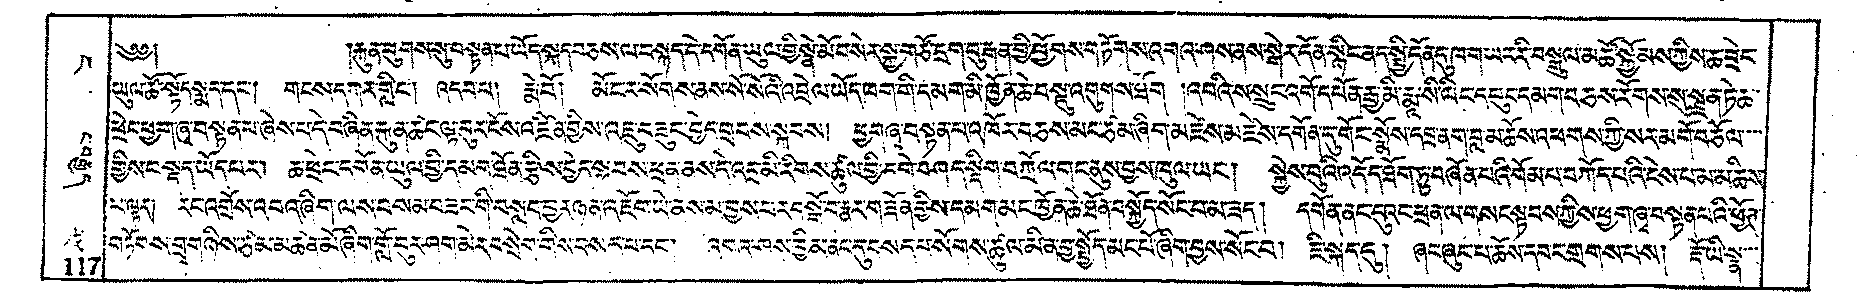༄༅། །རྐུན་ཕུགས་སུ་བསྟན་པ་ཡོད་སྐད་བཅས་ལ་བསྙད་དེ་དགོན་ཡུལ་གྱི་སྣེ་མོ་བ་སེར་སྐྱ་གཙོ་དྲག་བུ་རྒན་གྱི་ཕྱོགས་གཏོགས་འགའ་ཤས་ནས་སྒེར་དོན་སྙིང་ནད་སྤྱི་དོན་དུ་ཁ་གཡར་རི་བསྒུལ་མཚོ་སྐྱོམས་ཀྱིས་ཆ་ཕྲེང་
ཡུལ་ཚོ་སྟོད་སྨད་དང་། གངས་དཀར་གླིང་། འདབ་པ། རྨེ་བོ། མོང་ར་སོགས་ནས་སོ་སོའི་འབྲེལ་ཡོད་ཁག་གི་དམག་མི་ཁྱོན་ཆེ་བསྡུ་འགུགས་ཐོག །འབའི་ས་སྲུང་འགོ་དཔོན་རྒྱ་མི་རྨའ་སི་ལིང་དཔུང་དམག་བཅས་རོགས་སུ་སྦྲན་ཏེ་ཆ་
ཕྲེང་ཕྱག་ཞྭ་བསྟན་པ་ཞེས་པ་དེ་བཞིན་རྐུན་ཚང་ལྟ་བུར་ངོས་འཛིན་གྱིས་འཇུ་བཟུང་བྱེད་གྲབས་སྐབས། ཕྱག་ཞྭ་བསྟན་པ་འཁོར་བཅས་མང་ཙམ་ཞིག་མཛེས་མཛེས་དགོན་དུ་གོང་སྨོས་དབྲ་ནག་བླ་མ་ཆོས་འཕགས་ཀྱི་སར་མགོ་བཅོལ་
གྱིས་བསྡད་ཡོད་པར། ཆ་ཕྲེང་དགོན་ཡུལ་གྱི་དམག་ཐོན་རྩིས་བྱེད་སྐབས་ཕྲན་ནས་དེ་འདྲ་མི་རིགས་ཚུལ་གྱི་དགེ་བཤད་སྡིག་བཀྲོལ་གང་ནུས་བྱས་ཁུལ་ཡང་། སྐྱེས་བུའི་འདོད་ཐོག་ཏུ་བཞོན་པའི་གོམ་པ་བཀོད་པའི་ངེས་པ་མ་མཆིས་
པ་ལྟར། རང་འགྲོས་འབའ་ཞིག་ལས་བསམ་བཟང་གི་བསླབ་བྱར་ཉན་འཇོག་ཡེ་ནས་མ་བྱས་པར་བསྒོ་བ་རྣར་གཟོན་གྱིས་དམག་མང་ཁྱོན་ཆེ་ཐོན་བསྐྱོད་སོང་བ་མ་ཟད། དགོན་ནང་དུའང་ཕྲན་ལ་གསང་སྟབས་ཀྱིས་ཕྱག་ཞྭ་བསྟན་པའི་ཕྱོགས་
གཏོགས་གྲྭ་གཉིས་ཙམ་མཚན་མོ་ཞིག་གློ་བུར་ཤག་མེར་བསྲེག་གིས་བསད་པ་དང་། འགའ་ཤས་ཁྱིམ་ནང་དུ་བསད་པ་སོགས་ཚུལ་མིན་བྱ་སྤྱོད་མང་པོ་ཞིག་བྱས་སོང་བ། ཇི་སྐད་དུ། ཞང་ཞུང་པ་ཆོས་དབང་གྲགས་པས། རྡོ་ཡི་སྣ་